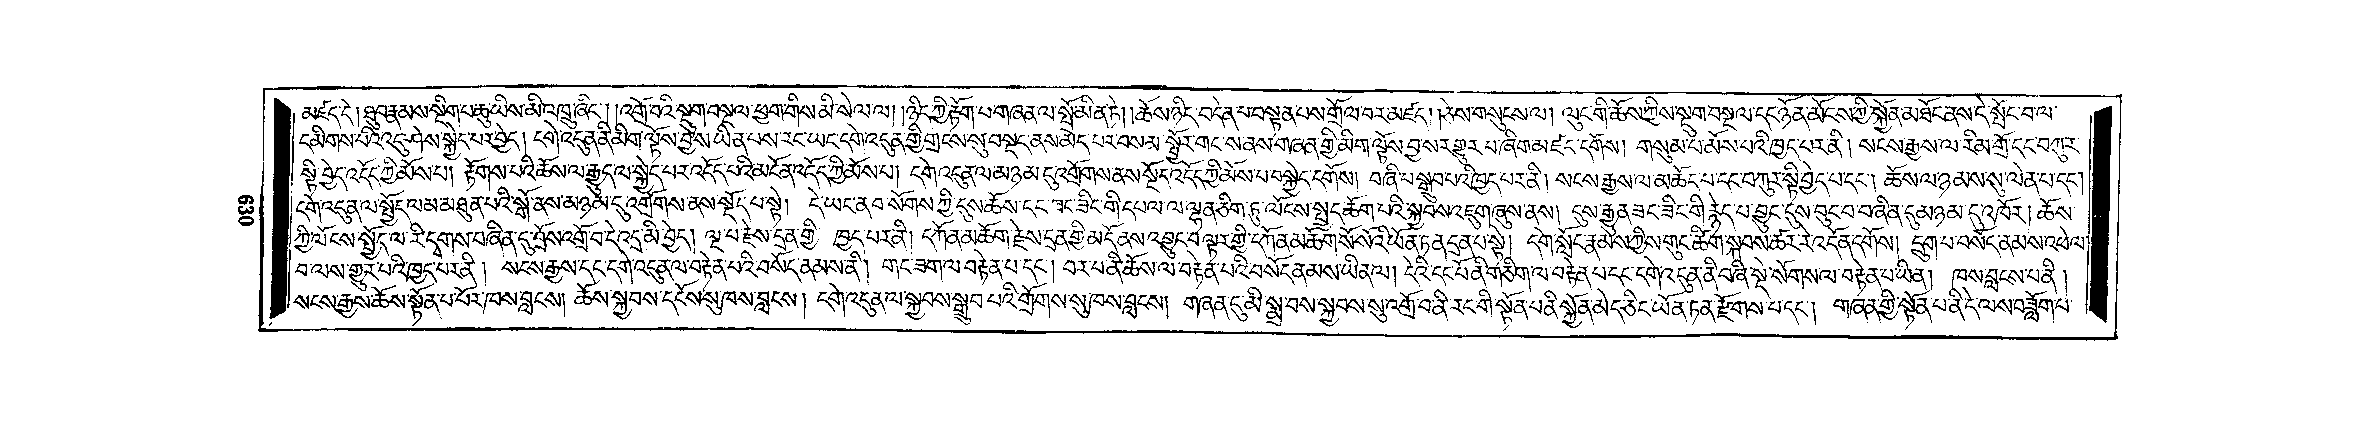མཛད་དེ། ཐུབ་རྣམས་སྡིག་པ་ཆུ་ཡིས་མི་འཁྲུ་ཞིང་། །འགྲོ་བའི་སྡུག་བསྔལ་ཕྱག་གིས་མི་སེལ་ལ། །ཉིད་ཀྱི་རྟོག་པ་གཞན་ལ་སྤོ་མིན་ཏེ། །ཆོས་ཉིད་བདེན་པ་བསྟན་པས་གྲོལ་བར་མཛད། །ཅེས་གསུངས་ལ། ལུང་གི་ཆོས་ཀྱིས་སྡུག་བསྔལ་དང་ཉོན་མོངས་ཀྱི་སྐྱོན་མཐོང་ནས་དེ་སྤོང་བ་ལ་
དམིགས་པའི་འདུ་ཤེས་སྐྱེད་པར་བྱེད། དགེ་འདུན་ནི་མིག་ལྟོས་བྱས་ཡིན་པས་རང་ཡང་དགེ་འདུན་གྱི་གྲངས་སུ་བསྡད་ནས་མེད་པར་བསམ་སྦྱོར་གང་ས་ནས་གཞན་གྱི་མིག་ལྟོས་བྱ་སར་གྱུར་པ་ཞིག་མཛད་དགོས། གསུམ་པ་མོས་པའི་ཁྱད་པར་ནི། སངས་རྒྱས་ལ་རིམ་གྲོ་དང་བཀུར་
སྟི་བྱེད་འདོད་ཀྱི་མོས་པ། རྟོགས་པའི་ཆོས་ལ་རྒྱུད་ལ་སྐྱེད་པར་འདོད་པའི་མངོན་འདོད་ཀྱི་མོས་པ། དགེ་འདུན་ལ་མཉམ་དུ་འགྲོགས་ནས་སྡོད་འདོད་ཀྱི་མོས་པ་བསྐྱེད་དགོས། བཞི་པ་སྒྲུབ་པའི་ཁྱད་པར་ནི། སངས་རྒྱས་ལ་མཆོད་པ་དང་བཀུར་སྟི་བྱེད་པ་དང་། ཆོས་ལ་ཉམས་སུ་ལེན་པ་དང་།
དགེ་འདུན་ལ་སྤྱོད་ལམ་མཐུན་པའི་སྒོ་ནས་མཉམ་དུ་འགྲོགས་ནས་སྡོད་པ་སྟེ། དེ་ཡང་ན་བ་སོགས་ཀྱི་དུས་ཆོས་དང་ཟང་ཟིང་གི་དཔལ་ལ་ལྷན་ཅིག་ཏུ་ལོངས་སྤྱད་ཆོག་པའི་སྐྱབས་འཇུག་ཞུས་ནས། དུས་རྒྱུན་ཟང་ཟིང་གི་རྙེད་པ་བྱུང་དུས་བུང་བ་བཞིན་དུ་མཉམ་དུ་འཁོར། ཆོས་
ཀྱི་ལོངས་སྤྱོད་ལ་རི་དྭགས་བཞིན་དུ་བྲོས་འགྲོ་བ་དེ་འདྲ་མི་བྱེད། ལྔ་པ་རྗེས་དྲན་གྱི་ཁྱད་པར་ནི། དཀོན་མཆོག་རྗེས་དྲན་གྱི་མདོ་ནས་འབྱུང་བ་ལྟར་གྱི་དཀོན་མཆོག་སོ་སོའི་ཡོན་ཏན་དྲན་པ་སྟེ། དགེ་སློང་རྣམས་ཀྱིས་གུང་ཚིག་སྐབས་ཚར་རེ་འདོན་དགོས། དྲུག་པ་བསོད་ནམས་འཕེལ་
བ་ལས་གྱུར་པའི་ཁྱད་པར་ནི། སངས་རྒྱས་དང་དགེ་འདུན་ལ་བརྟེན་པའི་བསོད་ནམས་ནི། གང་ཟག་ལ་བརྟེན་པ་དང་། བར་པ་ནི་ཆོས་ལ་བརྟེན་པའི་བསོད་ནམས་ཡིན་ལ། དེའི་དང་པོ་ནི་གཅིག་ལ་བརྟེན་པ་དང་དགེ་འདུན་ནི་བཞི་སྡེ་སོགས་ལ་བརྟེན་པ་ཡིན། ཁས་བླངས་པ་ནི།
སངས་རྒྱས་ཆོས་སྟོན་པ་པོར་ཁས་བླངས། ཆོས་སྐྱབས་དངོས་སུ་ཁས་བླངས། དགེ་འདུན་ལ་སྐྱབས་སྒྲུབ་པའི་གྲོགས་སུ་ཁས་བླངས། གཞན་དུ་མི་སྨྲ་བས་སྐྱབས་སུ་འགྲོ་བ་ནི་རང་གི་སྟོན་པ་ནི་སྐྱོན་མེད་ཅིང་ཡོན་ཏན་རྫོགས་པ་དང་། གཞན་གྱི་སྟོན་པ་ནི་དེ་ལས་བཟློག་པ་